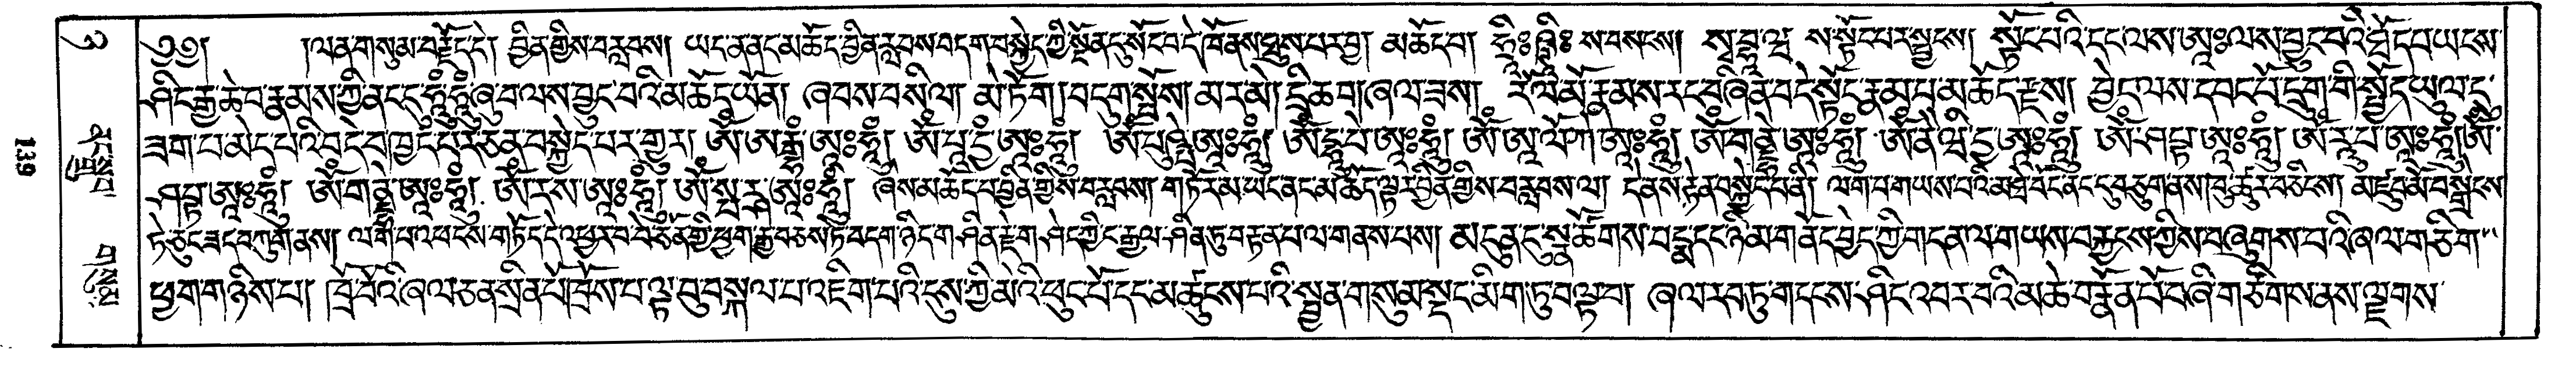༄༅། །ལན་གསུམ་བརྗོད་དེ། བྱིན་གྱིས་བརླབས། ཡང་ན་ནང་མཆོད་བྱིན་རླབས་བདག་བསྐྱེད་ཀྱི་སྔོན་དུ་སོང་བ་དེ་ཁོ་ནས་ཐུས་པར་བྱ། མཆོད་པ། ཧྲཱིཿཥྲཱིཿ ས་བསངས། སྭ་བྷ་ཝ་ས་སྟོང་པར་སྦྱངས། སྟོང་པའི་ངང་ལས་ཨཱཿ བྱུང་བའི་ཐོད་པ་ཡངས་
ཤིང་རྒྱ་ཆེ་བ་རྣམས་ཀྱི་ནང་དུ་ཧཱུཾ་ཧཱུཾ་ཞུ་བ་ལས་བྱུང་བའི་མཆོད་ཡོན། ཞབས་བསིལ། མེ་ཏོག། བདུག་སྤོས། མར་མེ། དྲི་ཆབ། ཞལ་ཟས། རོལ་མོ་རྣམས་རང་བཞིན་བདེ་སྟོང་རྣམ་པ་མཆོད་རྫས། བྱེད་ལས་དབང་པོ་དྲུག་གི་སྤྱོད་ཡུལ་དུ་
ཟག་པ་མེད་པའི་བདེ་བ་ཁྱད་པར་ཅན་བསྐྱེད་པར་གྱུར། ཨོཾ་ཨརྒྷཾ་ཨཱཿ ཧཱུཾ། ཨོཾ་པྲཱ་དྱཾ་ཨཱཿ ཧུཾ་ཨོཾ་ཕུ་ཥྤེ་ཨཱཿ ཧཱུཾ། ཨོཾ་དྷཱ་པཝ་ཨཱཿ ཧཱུཾ། ཨོམ་འ་ལོ་ཀེ་ཨཱཿ ཧཱུཾ། ཨོཾ་གནྡྷེ་ཨཱཿ ཧཱུཾ། ཨོཾ་ནཻ་ཡཝ་དྱ་ཨཱཿཧཱུཾ། ཨོཾ་ཤྠྟ། ཨཱཿ ཧཱུཾ། ཨོཾ་རཱུ་པ་ཨཱཿ ཧཱུཾ། ཨོཾ་
ཤཔྟ་ཨཱཿ ཧཱུཾ། ཨོཾ་གནྡྷེ་ཨཱཿ ཧཱུཾ། ཨོཾ་ར་ས་ཨཱཿ ཧཱུཾ། ཨོཾ་སྤརྴེ་ཨཱཿཧཱུཾ། ཞེས་མཆོད་པ་བྱིན་གྱིས་བརླབས། གཏོར་མ་ཡང་ནང་མཆོད་ལྟར་བྱིན་གྱིས་བརླབས་ལ། དེ་ནས་རྟེན་བསྐྱེད་པ་ནི། ལག་པ་གཡས་པའི་མཐེ་བོད་ནང་དུ་བཅུག་ནས་ཁུ་ཚུར་བཅིངས། མཛུབ་མོ་བསྒྲེངས་
ཏེ་ཅུང་ཟང་བཀུག་ནས། ལག་པ་འཕངས་གཏོད་དེ་འཕྱར་བ་བེ་ཅོན་གྱི་ཕྱག་རྒྱ་བཅས་ཏེ་བདག་ཉིད་གཤིན་རྗེ་གཤིན་ཀྱི་ང་རྒྱལ་ཤིན་ཏུ་བརྟན་པ་ལ་གནས་པས། མདུན་དུ་སྣ་ཚོགས་པདམ་དང་ཉི་མ་གནོད་བྱེད་ཀྱི་གདན་ལ་གཡས་བརྐྱངས་ཀྱིས་བཞུགས་པའི་ཞལ་གཅིག་
ཕྱག་གཉིས་པ། ཁྲོ་བོའི་ཞལ་ཅན་སྲིན་པོ་ཁྲོས་པ་ལྟ་བུ་བསྐལ་བ་འཇིག་པའི་དུས་ཀྱི་མེའི་ཕུང་པོ་དང་མཚུངས་པའི་སྤྱན་གསུམ་སྡང་མིག་ཏུ་བལྟ་བ། ཞལ་རབ་ཏུ་གདངས་ཤིང་འབར་བའི་མཆེ་བ་རྣོན་པོ་བཞི་གཙིགས་ནས་ལྗགས་